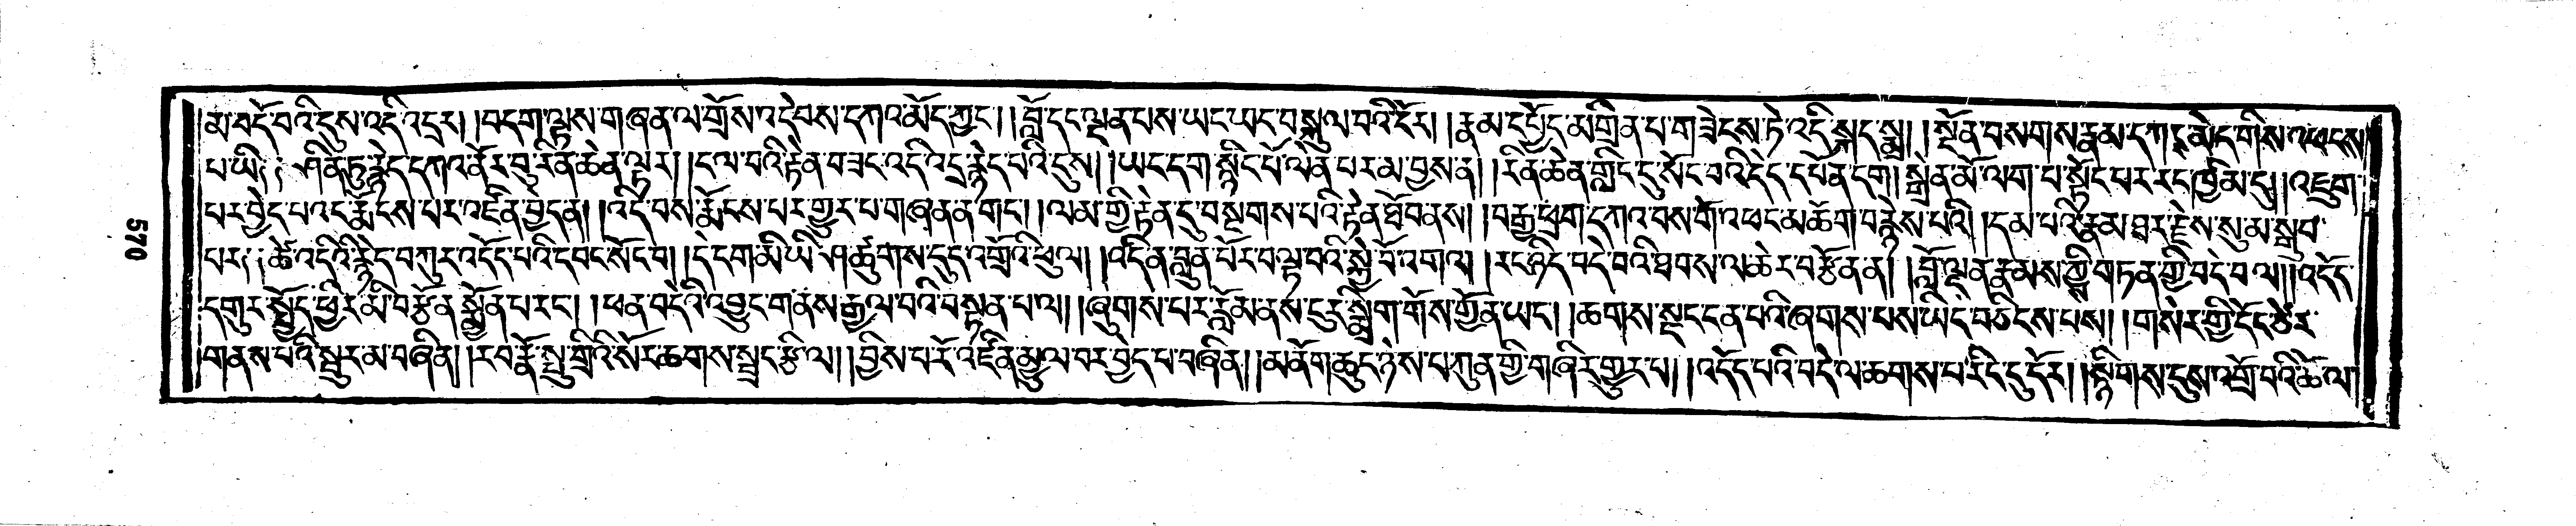མ་བདོ་བའི་དུས་འདི་འདྲར། །བདག་ལྟས་གཞན་ལ་གྲོས་འདེབས་དཀའ་མོད་ཀྱང་། །བློ་དང་ལྡན་པས་ཡང་ཡང་བསྐུལ་བའི་ངོར། །རྣམ་དཔྱོད་མགྲིན་པ་གཟེངས་ཏེ་འདི་སྐད་སྨྲ། །སྔོན་བསགས་རྣམ་དཀར་སྟེང་གིས་འཕངས་
པ་ཡི། །ཤིན་ཏུ་རྙེད་དཀའ་ནོར་བུ་རིན་ཆེན་ལྟར། །དལ་བའི་རྟེན་བཟང་འདི་འདྲ་རྙེད་པའི་དུས། །ཡང་དག་སྙིང་པོ་ལེན་པར་མ་བྱས་ན། །རིན་ཆེན་གླིང་དུ་སོང་བའི་དེད་དཔོན་དག །སྒྲེན་མོ་ལག་པ་སྟོང་པར་རང་ཁྱིམ་དུ། །འཇུག་
པར་བྱེད་པའང་རྨོངས་པར་འཛིན་བྱེད་ན། །འདི་བས་རྨོངས་པར་གྱུར་པ་གཞན་ན་གང་། །ལམ་གྱི་རྟེན་དུ་བསྔགས་པའི་རྟེན་ཐོབ་ནས། །བརྒྱ་ཕྲག་དཀའ་བས་གོ་འཕང་མཆོག་བརྙེས་པའི། །དམ་པའི་རྣམ་ཐར་རྗེས་སུ་མ་སྒྲུབ་
པར། །ཚེ་འདིའི་རྙེད་བཀུར་འདོད་པའི་དབང་སོང་བ། །དེ་དག་མི་ཡི་ཤ་ཚུགས་དུད་འགྲོའི་ཕུལ། །འདི་ན་བླུན་པོར་བལྟ་བའི་སྐྱེ་བོ་འགའ། །རང་ཉིད་བདེ་བའི་ཐབས་ལ་ཆེར་བརྩོན་ན། །བློ་ལྡན་རྣམས་ཀྱིས་གཏན་གྱི་བདེ་བ་ལ། །འདོད་
དགུར་སྤྱོད་ཕྱིར་མི་བརྩོན་སྨྱོན་པ་རང་། །ཕན་བདེའི་འབྱུང་གནས་རྒྱལ་བའི་བསྟན་པ་ལ། །ཞུགས་པར་རློམ་ནས་ངུར་སྨྲིག་གོས་གྱོན་ཡང་། །ཆགས་སྡང་ངན་པའི་ཞགས་པས་ཡིད་བཅིངས་པས། །གསེར་གྱི་དོང་ཙེར་
གནས་པའི་སྦུར་མ་བཞིན། །རབ་རྣོ་སྤུ་གྲིའི་སོར་ཆགས་སྦྲང་རྩི་ལ། །བྱིས་པ་རོ་འཛིན་མྱུལ་བར་བྱེད་པ་བཞིན། །མནོག་ཆུང་ཉེས་པ་ཀུན་གྱི་གཞིར་གྱུར་པ། །འདོད་པའི་བདེ་ལ་ཆགས་པ་རིང་དུ་དོར། །སྙིགས་དུས་འགྲོ་བའི་ཚེ་ལ་